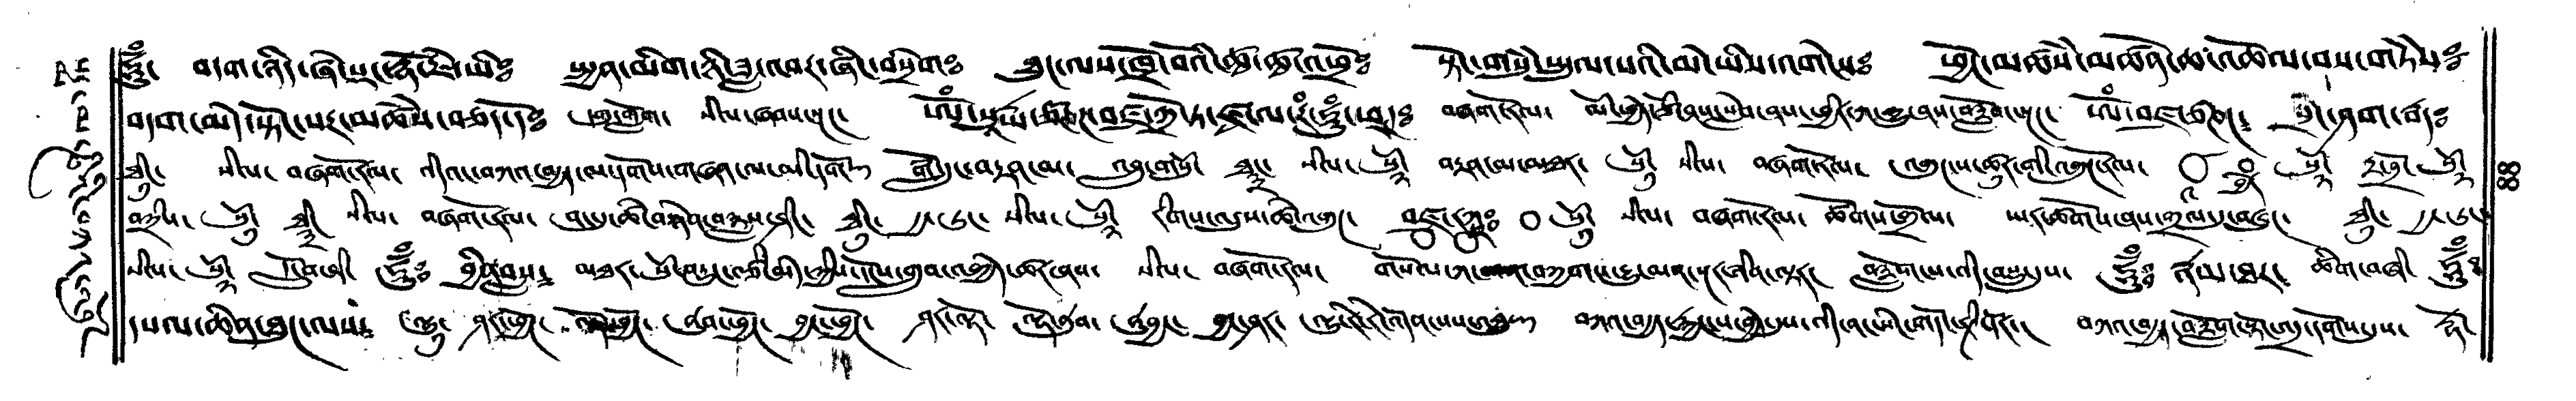ཧཱུྃཿ བདག་ཉིད་ཞེ་སྡང་རྡོ་རྗེ་ཡིཿ སྤྱན་མིག་ཉི་ཟླ་འབར་ཞིང་སྲེགཿ ཐུགས་ལས་ཁྲོ་བོའི་ཚྭ་ཚྭ་འཕྲོཿ སྟོང་གསུམ་སྤྲུལ་པའི་མེ་ཡིས་འགེངསཿ ཕྱོགས་མཚམས་མཚོན་ཆ་འཆོལ་བས་གཏམས༔ 
བདག་མེད་སྟོང་པར་མཚམས་བཅད་དོཿདགུ་གློག སིལ་ཞབས་སྔགས། ཨོཾ་སཱུརྻ་ཙཎྜ་བཛྲ་ཀྲོ་ཏ་ཛྭ་ལ་རཾ་ཧཱུྃ་ཕཊཿ བཞག་རོལ། ལམ་ཕྱེད་ཙམ་སླེབ་པ་ན་ཁ་ཕྱིར་གྱུར་ནས་ཟློག་སྔགས། ཨོཾ་བཛྲ་ཙཎྜ༴ བྲེང་ཤག་རྦདཿ 
ཐིང་གཅིག སིལ། བཞག་རོལ། འདིའང་བཀའ་བརྒྱད་ལ་དགོས། གཞན་ལ་མི་དགོས། སྒོ་དྲུང་བརྟན་མ། འབྲུ་གསུམ། ཐང་གསུམ། སིལ། སུམ་གཉིས། བརྟན་མ་མཐར། སུམ་གཅིག སིལ། བཞག་རོལ། འགུགས་པ་ཚར་ལན་གཅིག་འགུགས་རོལ། སུམ་གཉིས། རྟ་བྲོ། སུམ་གཉིས། 
བཀྲ་ཤིས། སུམ་གཅིག ཐིང་གསུམ། སིལ། བཞག་རོལ། ནང་དུ་ཚེ་སྙེན་བཟླ་ཞིང་། ཐིང་གཅིག རྒྱ། དུང་། སིལ། སུམ་གཉིས། རིག་འདུས་ཚེ་འགུགས། བཛྲ་རཀྵཿ སུམ་གཅིག སིལ། བཞག་རོལ། ཚོགས་གྲོལ། ཡར་ཚོགས་ནས་གྲལ་དུ་བཞུགས། ཐིང་གཅིག རྒྱ་དུང་། 
སིལ། སུམ་གཉིས། དངོས་གྲུབ་ནི། ཧཱུྃཿ བྱིན་རླབས༴ མཐར། སུམ་རྡུང་རྩེ་མེད་ཀྱིས་དངོས་གྲུབ་འགྱེད་ཚར་ནས། སིལ། བཞག་རོལ། གསོལ་ཀ་བཀྱག་རྒྱུ་མན་སྔ་ཉིན་ལྟར། ཟློག་པ་འདི་བསྡུ་དུས། ཧཱུྃཿ རྣམ་ཐར༴ ཚིག་བཞི། ཧཱུྃཿ 
དཔལ་ཆེན་ཐུགས་ལས༴ ལྷུ་གཅིག ཤར་ཕྱོགས། ལྷོ་ཕྱོགས། ནུབ་ཕྱོགས། བྱང་ཕྱོགས། ཤར་ལྷོ་ལྷོ་ནུབ། ནུབ་བྱང་། བྱང་ཤར། ལྷུ་རེ་རེ་འདོན་པས་འཐུས། བཀའ་བརྒྱད་རྐྱང་པ་བྱེད་དུས་འདིའི་ནང་སེང་གདོང་རིགས་དོར། བཀའ་བརྒྱད་ཟློག་སྟོང་འདྲ་དགོས་དུས། རྡོ་